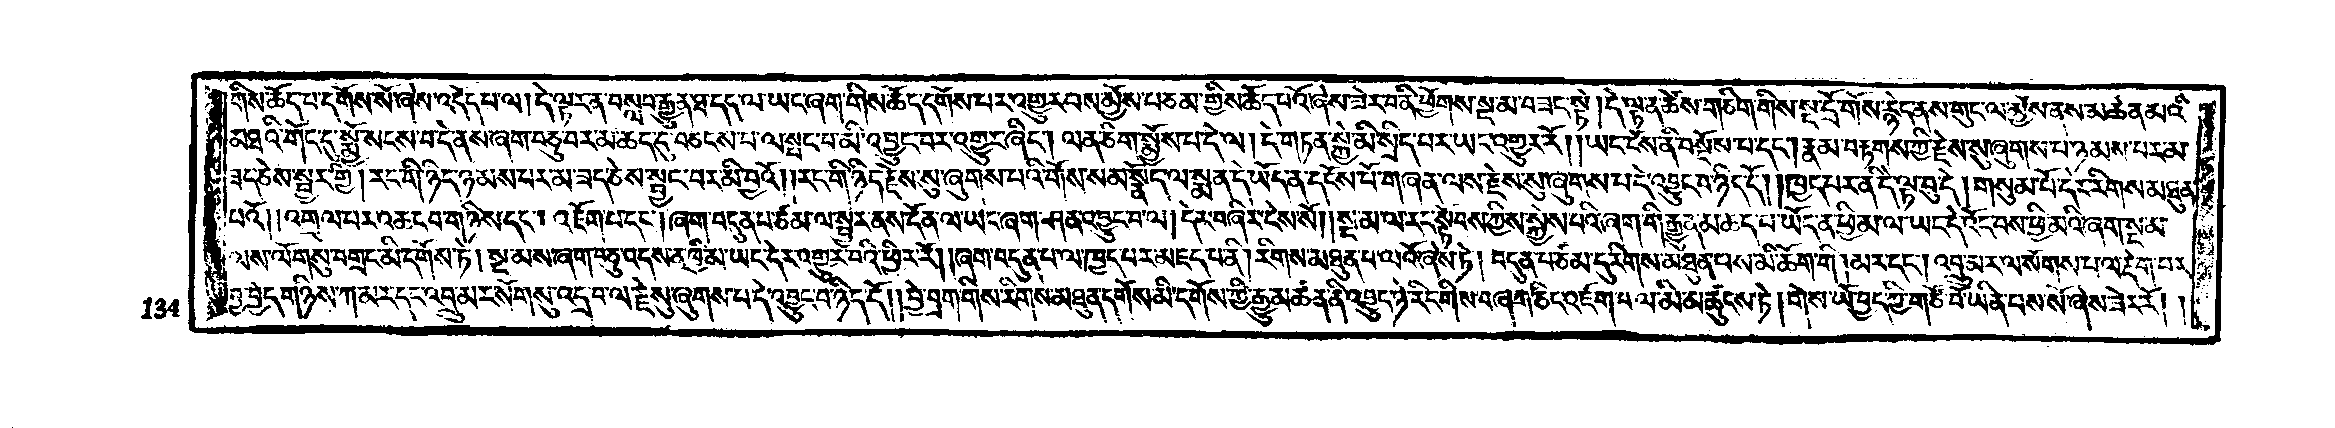གིས་ཆོད་པ་དགོས་སོ་ཞེས་ཞེས་འདོད་པ་ལ། དེ་ལྟར་ན་བསླབ་རྒྱུན་ཐ་དད་ལ་ཡང་ཞག་གིས་ཆོད་དགོས་པར་འགྱུར་བས་མྱོས་པ་ཅམ་གྱིས་ཚོད་པའོ་ཞེས་ཟེར་བ་ནི་ཕྱོགས་སྔ་མ་བཟང་སྟེ། དེ་ལྟ་ན་ཚེས་གཅིག་གིས་སྔ་དྲོ་གོས་རྙེད་ནས་གུང་ལ་མྱོས་ནས་མཚན་མོའི་
མཐའི་གོང་དུ་སྨྱོ་སངས་བ་དེ་ནས་ཞག་བཅུ་བར་མ་ཆད་དུ་བཅངས་པ་ལ་སྤངས་པ་མི་འབྱུང་བར་འགྱུར་ཞིང་། ལན་ཅིག་སྨྱོས་པ་དེ་ལ། དེ་གཏན་སྐྱེ་མི་སིརད་པར་ཡང་འགྱུར་རོ། །ཡང་ངོས་ནི་བསྔོས་པ་དང་། རྣམ་བརྟགས་ཀྱི་རྗེས་སུ་ཞུགས་པ་ཉམས་པར་མ་
ཟད་ཅེས་སྦྱར་གྱི། རན་གྒི་ཉིད་ཉམས་པ་རྨ་ཟད་ཅེས་སྦྱར་བར་མི་བྱའོ། །རང་གི་ཉིད་རྗེས་སུ་ཞུགས་པའི་གོས་སམ་སྣོད་ལ་སྨན་དེ་ཡོད་ན་དངོས་པོ་གཞན་ལས་རྗེས་སུ་ཞུགས་པ་དེ་འབྱུང་བ་ཉིད་དོ། །ཁྱད་པར་ནི་དེ་ལྟ་བུ་དེ། གསུམ་པོ་དེར་རིགས་མཐུན་
པའོ། །འགྲལ་པར་འཆང་བ་གཉིས་དང་། འཇོག་པ་དང་། ཞག་བདུན་པ་ཙམ་ལ་སྦྱར་ནས་དོན་ལ་ཡང་ཞག་ཤན་འབྱུང་བ་ལ། དེར་བཞིར་ངེས་སོ། །སྔ་མ་ལ་རང་སྟོབས་ཀྱིས་སྐྱེས་པའི་ཞག་གི་རྒྱུན་མཆད་པ་ཡོད་ན་ཕྱི་མ་ལ་ཡང་དེ་འོངས་ཕྱི་མའི་ཞག་སྔ་མ་
ལས་ལོག་གསུ་བགྲང་མི་དགོས་ཏེ། སྔ་མས་ཞག་བཅུ་འདས་ན་ཕྱི་མ་ཡང་དེར་འགྱུར་པའི་ཕྱིར་རོ། །ཞག་བདུན་པ་ལ་ཁྱད་པར་མཛད་པ་ནི། རིགས་མཐུན་པ་ལའོ་ཞེས་ཏེ། བདུན་པ་ཙམ་དུ་རིགས་མཐུན་པས་མི་ཆོག་གི །མར་དང་། འབྲུ་མར་ལ་སོགས་པ་ལ་རྡེག་པར་
བྱ་བྱེད་གཉིས་ཀ་མར་དང་འབྲུ་མར་སོགས་སུ་འདྲ་བ་ལ་རྗེས་སུ་ཞུགས་པ་དེ་འབྱུང་བ་ཉིད་དོ། །བྱེ་བྲག་གིས་རིགས་མཐུན་དགོས་མི་དགོས་ཀྱི་རྒྱུ་མཚན་ནི་འབྱུང་ཉེ་རིང་གིས་བཞག་ཅིང་འཛག་པ་ལ་མི་མཚུངས་ཏེ། གེས་ཡོ་བྱད་ཀྱི་གཙོ་བོ་ཡིན་པས་སོ་ཞེས་ཟེར་རོ། །